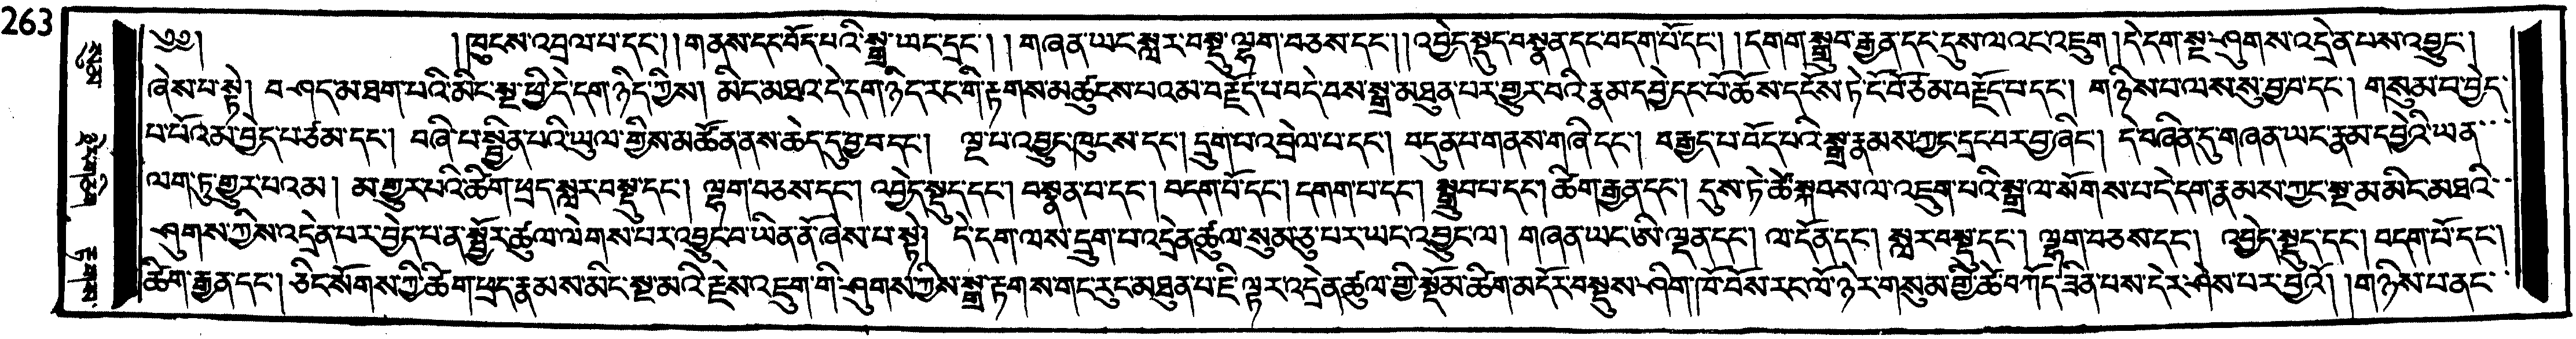༄༅། །ཁུངས་འབྲལ་པ་དང་། །གནས་དང་བོད་པའི་སྒྲ་ཡང་དྲང་། །གཞན་ཡང་སླར་བསྡུ་ལྷག་བཅས་དང་། །འབྱེད་སྡུད་བསྣན་དང་བདག་པོ་དང་། །དགག་སྒྲུབ་རྒྱན་དང་དུས་ལའང་འཇུག །དེ་དག་སྔ་ཤུགས་འདྲེན་པས་འབྱུང་།
ཞེས་པ་སྟེ། བཤད་མ་ཐག་པའི་མིང་སྔ་ཕྱི་དེ་དག་ཉིད་ཀྱིས། མིང་མཐའ་དེ་དག་ཉིད་རང་གི་རྟགས་མཚུངས་པའམ་བརྗོད་པ་བདེ་བས་སྒྲ་མཐུན་པར་གྱུར་བའི་རྣམ་དབྱེ་དང་པོ་ཆོས་དངོས་ཏེ་ངོ་བོ་ཙམ་བརྗོད་པ་དང་། གཉིས་པ་ལས་སུ་བྱ་བ་དང་། གསུམ་བ་བྱེད་
པ་པོའམ་བྱེད་པ་ཙམ་དང་། བཞི་པ་སྦྱིན་པའི་ཡུལ་གྱིས་མཚོན་ནས་ཆེད་དུ་བྱ་བ་དང་། ལྔ་པ་འབྱུང་ཁུངས་དང་། དྲུག་པ་འབྲེལ་པ་དང་། བདུན་པ་གནས་གཞི་དང་། བརྒྱད་པ་བོད་པའི་སྒྲ་རྣམས་ཀྱང་དྲང་བར་བྱ་ཞིང་། དེ་བཞིན་དུ་གཞན་ཡང་རྣམ་དབྱེའི་ཡན་
ལག་ཏུ་གྱུར་པའམ། མ་གྱུར་པའི་ཚིག་ཕྲད་སླར་བསྡུ་དང་། ལྷག་བཅས་དང་། འབྱེད་སྡུད་དང་། བསྣན་པ་དང་། བདག་པོ་དང་། དགག་པ་དང་། སྒྲུབ་པ་དང་། ཚིག་རྒྱན་དང་། དུས་ཏེ་ཚེ་སྐབས་ལ་འཇུག་པའི་སྒྲ་ལ་སོགས་པ་དེ་དག་རྣམས་ཀྱང་སྔ་མ་མིང་མཐའི་
ཤུགས་ཀྱིས་འདྲེན་པར་བྱེད་པ་ན་སྦྱོར་ཚུལ་ལེགས་པར་འབྱུང་བ་ཡིན་ནོ་ཞེས་པ་སྟེ། དེ་དག་ལས་དྲུག་པ་འདྲེན་ཚུལ་སུམ་ཅུ་པར་ཡང་འབྱུང་ལ། གཞན་ཡང་ཨི་ལྡན་དང་། ལ་དོན་དང་། སླར་བསྡུ་དང་། ལྷག་བཅས་དང་། འབྱེད་སྡུད་དང་། བདག་པོ་དང་།
ཚིག་རྒྱན་དང་། ཅིང་སོགས་ཀྱི་ཚིག་ཕྲད་རྣམས་མིང་སྔ་མའི་རྗེས་འཇུག་གི་ཤུགས་ཀྱིས་སྒྲ་རྟགས་གང་རུང་མཐུན་པ་ཇི་ལྟར་འདྲེན་ཚུལ་གྱི་སྡོམ་ཚིག་མདོར་བསྡུས་ཤིག་ཁོ་བོས་རང་ལོ་ཉེར་གསུམ་གྱི་ཚེ་བཀོད་ཟིན་པས་དེར་ཤེས་པར་བྱའོ། །གཉིས་པ་ནང་